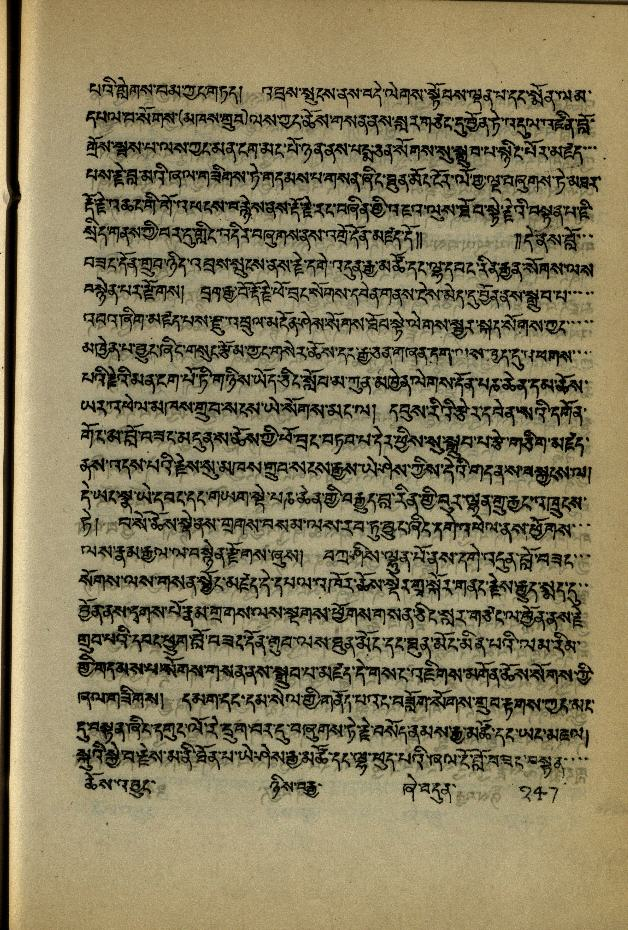པའི་གླེགས་བམ་ཀྱང་གཏད། འབྲས་སྤུངས་ནས་བདེ་ལེགས་སྟོབས་ལྡན་པ་དང་སྨོན་ལམ་
དཔལ་བ་སོགས་མཁས་གྲུབ་ལས་ཀྱང་ཆོས་གསན་ནས་སླར་གཙང་དུ་བྱོན་ཏེ་འདུལ་འཛིན་བློ་
གྲོས་སྦས་པ་ལས་ཀྱང་མན་ངག་མང་པོ་ཉན་ནས་པདམ་ཅན་སོགས་སུ་སྒྲུབ་པ་སྙིང་པོར་མཛད་
པས་རྗེ་བླ་མའི་ཞལ་གཟིགས་ཏེ་གདམས་པ་གསན་ཞིང་ཐུན་མོང་ངོར་ལོ་གྱ་ལྔ་བཞུགས་ཏེ་མཐར་
རྡོ་རྗེ་འཆང་གི་གོ་འཕངས་བརྙེས་ནས་རྡོ་རྗེ་རང་བཞིན་གྱི་འཇའ་ལུས་ཐོབ་སྟེ་རྗེའི་བསྟན་པ་ཇི་
སྲིད་གནས་ཀྱི་བར་དུ་གླིང་འདིར་བཞུགས་ནས་འགྲོ་དོན་མཛད་དོ།། །།དེ་ནས་བློ་
བཟང་དོན་གྲུབ་ཉིད་འབྲས་སྤུངས་ནས་རྗེ་དགེ་འདུན་རྒྱ་མཚོ་དང་ལྷ་དབང་རིན་རྒྱན་སོགས་ལས་
བསྙེན་པར་རྫོགས། བྲག་རྒྱ་བོ་རྡོ་རྗེ་ཕོ་བྲང་སོགས་དབེན་གནས་ངེས་མེད་དུ་བྱོན་ནས་སྒྲུབ་པ་
འབའ་ཞིག་མཛད་པས་རྫུ་འཕྲུལ་མངོན་ཤེས་སོགས་ཐོབ་སྟེ་ལེགས་སྦྱར་སྐད་སོགས་ཀྱང་
མཁྱེན་པ་བྱུང་ཞིང་གསུང་རྩོམ་ཀྱང་གསེར་ཆོས་དང་རྒྱ་ཅན་གཞན་དག་ལས་ཁྱད་དུ་འཕགས་
པའི་རྗེའི་མན་ངག་པོ་ཏི་གཉིས་ཡོད་ཅིང་སློབ་མ་ཀུན་མཁྱེན་ལེགས་དོན་པཎ་ཆེན་དམ་ཆོས་
ཡར་འཕེལ་མཁས་གྲུབ་སངས་ཡེ་སོགས་མང་ལ། དབུས་རིའི་རྩེར་དབེན་སའི་དགོན་
གོང་མ་བློ་བཟང་མདུན་ས་ཆོས་ཀྱི་ཕོ་བྲང་བཏབ་པ་དེར་ཕྱིས་སུ་སྒྲུབ་པ་རྩེ་གཅིག་མཛད་
ནས་འདས་པའི་རྗེས་སུ་མཁས་གྲུབ་སངས་རྒྱས་ཡེ་ཤེས་ཀྱིས་དེའི་གདན་ས་བསྐྱངས་ལ།
དེ་ཡང་སྣ་ཡེ་དབང་དང་གཡག་སྡེ་པཎ་ཆེན་གྱི་བརྒྱུད་བླ་རིན་གྱི་བུར་ལྷན་གྲུ་རྐྱང་འཁྲུངས་
ཏེ། བ་སོ་ཆོས་སྡེ་ནས་གྲགས་བསམ་ལས་རབ་ཏུ་བྱུང་ཞིང་དགེ་འཕེལ་ནས་ཕྱོགས་
ལས་རྣམ་རྒྱལ་ལ་བསྙེན་རྫོགས་ཞུས། བཀྲ་ཤིས་ལྷུན་པོ་ནས་དགེ་འདུན་བློ་བཟང་
སོགས་ལས་གསན་སྦྱོང་མཛད་དེ་དཔལ་འཁོར་ཆོས་སྡེར་གྲྭ་སྐོར་གནང་རྗེས་རྒྱུད་སྨད་དུ་
བྱོན་ནས་དྭགས་པོ་རྣམ་གྲགས་ལས་སྔགས་ཕྱོགས་གསན་ཅིང་སླར་གཙང་ལ་བྱོན་ནས་རྗེ་
གྲུབ་པའི་དབང་ཕྱུག་བློ་བཟང་དོན་གྲུབ་ལས་ཐུན་མོང་དང་ཐུན་མོང་མིན་པའི་ལམ་རིམ་
གྱི་གདམས་པ་སོགས་གསན་ནས་སྒྲུབ་པ་མཛད་དེ་གསང་འཇིགས་མགོན་ཆོས་སོགས་ཀྱི་
ཞལ་གཟིགས། དམག་དང་དམ་སེལ་གྱི་གནོད་པའང་བཟློག་སོགས་གྲུབ་རྟགས་ཀྱང་མང་
དུ་བསྟན་ཞིང་དགུང་ལོ་རེ་དྲུག་བར་དུ་བཞུགས་ཏེ་རྗེ་བསོད་ནམས་རྒྱ་མཚོ་དང་ཡང་མཇལ།
སྐུའི་སྐྱེ་བ་རྗེས་མ་ནི་ཐོན་པ་ཡེ་ཤེས་རྒྱ་མཚོ་དང་ལྷ་ཕུད་པའི་ཞལ་ངོ་བློ་བཟང་བསྟན་